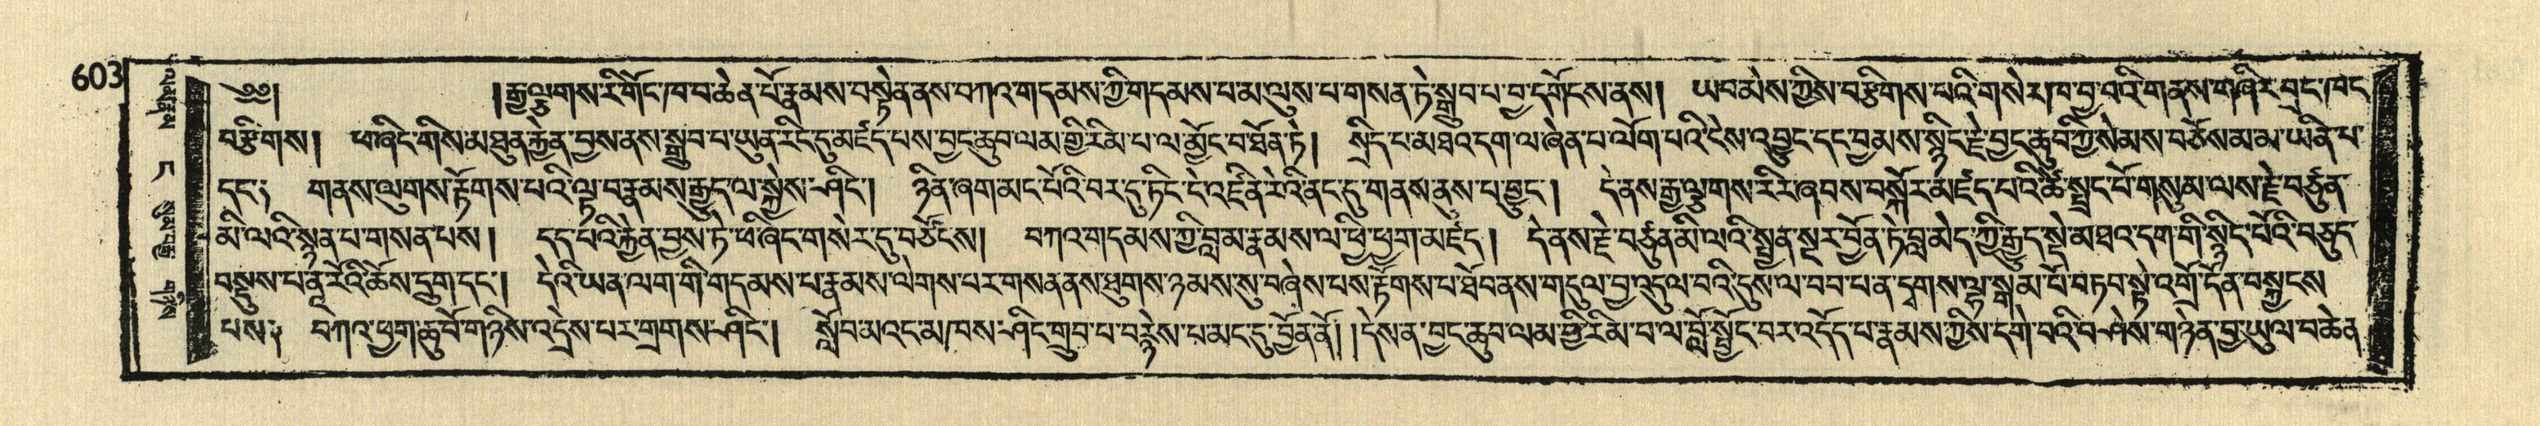༄༅། །རྒྱ་ལྕགས་རི་གོང་ཁ་བ་ཆེན་པོ་རྣམས་བསྟེན་ནས་བཀའ་གདམས་ཀྱི་གདམས་པ་མ་ལུས་པ་གསན་ཏེ་སྒྲུབ་པ་བྱ་དགོངས་ནས། ཡབ་མེས་ཀྱིས་བརྩིགས་པའི་གསེར་ཁ་བྱ་བའི་གནས་གཞིར་བྲང་ཁང་
བརྩིགས། ཕ་ཞིང་གིས་མཐུན་རྐྱེན་བྱས་ནས་སྒྲུབ་པ་ཡུན་རིང་དུ་མཛད་པས་བྱང་ཆུབ་ལམ་གྱི་རིམ་པ་ལ་མྱོང་བ་ཐོན་ཏེ། སྲིད་པ་མཐའ་དག་ལ་ཞེན་པ་ལོག་པའི་ངེས་འབྱུང་དང་བྱམས་སྙིང་རྗེ་བྱང་ཆུབ་ཀྱི་སེམས་བཅོས་མ་མ་ཡིན་པ་
དང༑ གནས་ལུགས་རྟོགས་པའི་ལྟ་བ་རྣམས་རྒྱུད་ལ་སྐྱེས་ཤིང་། ཉིན་ཞག་མང་པོའི་བར་དུ་ཏིང་ངེ་འཛིན་རེའི་ནང་དུ་གནས་ནུས་པ་བྱུང་། དེ་ནས་རྒྱ་ལྕགས་རིར་ཞབས་བསྐོར་མཛད་པའི་ཚེ་སྤྲང་པོ་གསུམ་ལས་རྗེ་བཙུན་
མི་ལའི་སྙན་པ་གསན་པས། དད་པའི་རྐྱེན་བྱས་ཏེ་ཕ་ཞིང་གསེར་དུ་བཙོངས། བཀའ་གདམས་ཀྱི་བླ་མ་རྣམས་ལ་ཕྱི་ཕྱག་མཛད། དེ་ནས་རྗེ་བཙུན་མི་ལའི་སྤྱན་སྔར་བྱོན་ཏེ་བླ་མེད་ཀྱི་རྒྱུད་སྡེ་མཐའ་དག་གི་སྙིང་པོའི་བཅུད་
བསྡུས་པ་ནཱ་རོའི་ཆོས་དྲུག་དང་། དེའི་ཡན་ལག་གི་གདམས་པ་རྣམས་ལེགས་པར་གསན་ནས་ཐུགས་ཉམས་སུ་བཞེས་པས་རྟོགས་པ་ཐོབ་ནས་གདུལ་བྱ་འདུལ་བའི་དུས་ལ་བབ་པ་ན་དྭགས་ལྷ་སྒམ་པོ་བཏབ་སྟེ་འགྲོ་དོན་བསྐྱངས་
པས༑ བཀའ་ཕྱག་ཆུ་བོ་གཉིས་འདྲེས་པར་གྲགས་ཤིང་། སློབ་མའང་མཁས་ཤིང་གྲུབ་པ་བརྙེས་པ་མང་དུ་བྱོན་ནོ། །དེས་ན་བྱང་ཆུབ་ལམ་གྱི་རིམ་པ་ལ་བློ་སྦྱོང་བར་འདོད་པ་རྣམས་ཀྱིས་དགེ་བའི་བཤེས་གཉེན་བྱ་ཡུལ་བ་ཆེན་